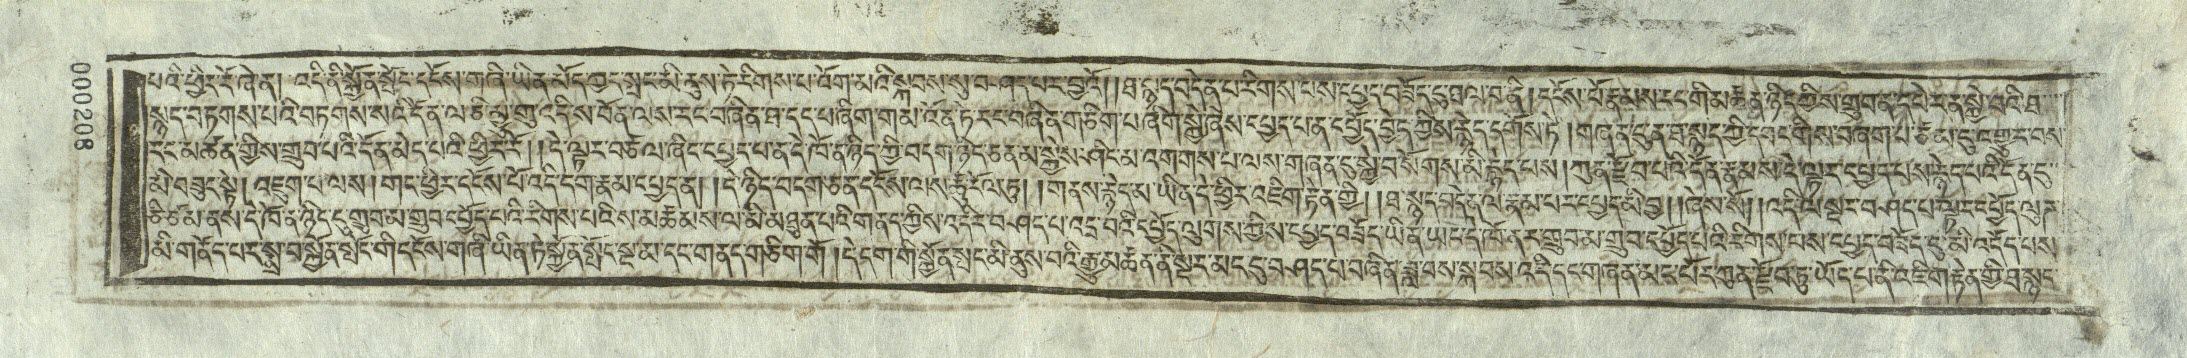པའི་ཕྱིར་རོ་ཞེ་ན། འདི་ནི་སྐྱོན་སྤོང་དངོས་གཞི་ཡིན་མོད་ཀྱང་སྤང་མི་ནུས་ཏེ་རིགས་པ་འོག་མའི་སྐབས་སུ་བཤད་པར་བྱའོ། །ཐ་སྙད་བདེན་པ་རིགས་པས་དཔྱད་བཟོད་དུ་ཐལ་བ་ནི། དངོས་པོ་རྣམས་རང་གི་མཚན་ཉིད་ཀྱིས་གྲུབ་ན་དཔེར་ན་སྐྱེ་བའི་ཐ་
སྙད་བཏགས་པའི་བཏགས་སའི་དོན་ལ་ཅི་མྱུ་གུ་འདི་ས་བོན་ལས་རང་བཞིན་ཐ་དད་པ་ཞིག་གམ་འོན་ཏེ་རང་བཞིན་གཅིག་པ་ཞིག་སྐྱེ་ཞེས་དཔྱད་པ་ན་དཔྱོད་བྱེད་ཀྱིས་རྙེད་དགོས་ཏེ། གཞན་དུ་ན་ཐ་སྙད་ཀྱི་དབང་གིས་བཞག་པ་ཙམ་དུ་འགྱུར་བས་
རང་མཚན་གྱིས་གྲུབ་པའི་དོན་མེད་པའི་ཕྱིར་རོ། །དེ་ལྟར་བཙལ་ཞིང་དཔྱད་པ་ན་དེ་ཁོ་ན་ཉིད་ཀྱི་བདག་ཉིད་ཅན་མ་སྐྱེས་ཤིང་མ་འགགས་པ་ལས་གཞན་དུ་སྐྱེ་བ་སོགས་མི་རྙེད་པས། ཀུན་རྫོབ་པའི་དོན་རྣམས་དེ་ལྟར་དཔྱད་པས་རྙེད་པའི་དོན་དུ་
མི་བཟུང་སྟེ། འཇུག་པ་ལས། གང་ཕྱིར་དངོས་པོ་འདི་དག་རྣམ་དཔྱད་ན། །དེ་ཉིད་བདག་ཅན་དངོས་ལས་ཚུ་རོལ་ཏུ། །གནས་རྙེད་མ་ཡིན་དེ་ཕྱིར་འཇིག་རྟེན་གྱི། །ཐ་སྙད་བདེན་ལ་རྣམ་པར་དཔྱད་མི་བྱ། །ཞེས་སོ། །འདི་ལ་སྔར་བཤད་པ་ལྟར་དཔྱོད་ལུགས་
ཅི་ཙམ་?་ནས་དེ་ཁོ་ན་ཉིད་དུ་གྲུབ་མ་གྲུབ་དཔྱོད་པའི་རིགས་པའི་ས་མཚམས་ལ་མི་མཐུན་པའི་གནད་ཀྱིས་འདིར་བཤད་པ་འདྲ་བའི་དཔྱོད་ལུགས་ཀྱིས་དཔྱད་བཟོད་ཡིན་ཡང་དེ་ཁོ་ནར་གྲུབ་མ་གྲུབ་དཔྱོད་པའི་རིགས་པས་དཔྱད་བཟོད་དུ་མི་འདོད་པས་
མི་གནོད་པར་སྨྲ་བ་སྐྱོན་སྤོང་གི་དངོས་གཞི་ཡིན་ཏེ་སྐྱོན་སྤོང་སྔ་མ་དང་གནད་གཅིག་གོ། དེ་དག་གི་སྐྱོན་སྤང་མི་ནུས་པའི་རྒྱུ་མཚན་ནི་སྔར་མང་དུ་བཤད་པ་བཞིན་ཟླ་བས་སྐབས་འདི་དང་གཞན་མང་པོར་ཀུན་རྫོབ་ཏུ་ཡོད་པ་ནི་འཇིག་རྟེན་གྱི་ཐ་སྙད་